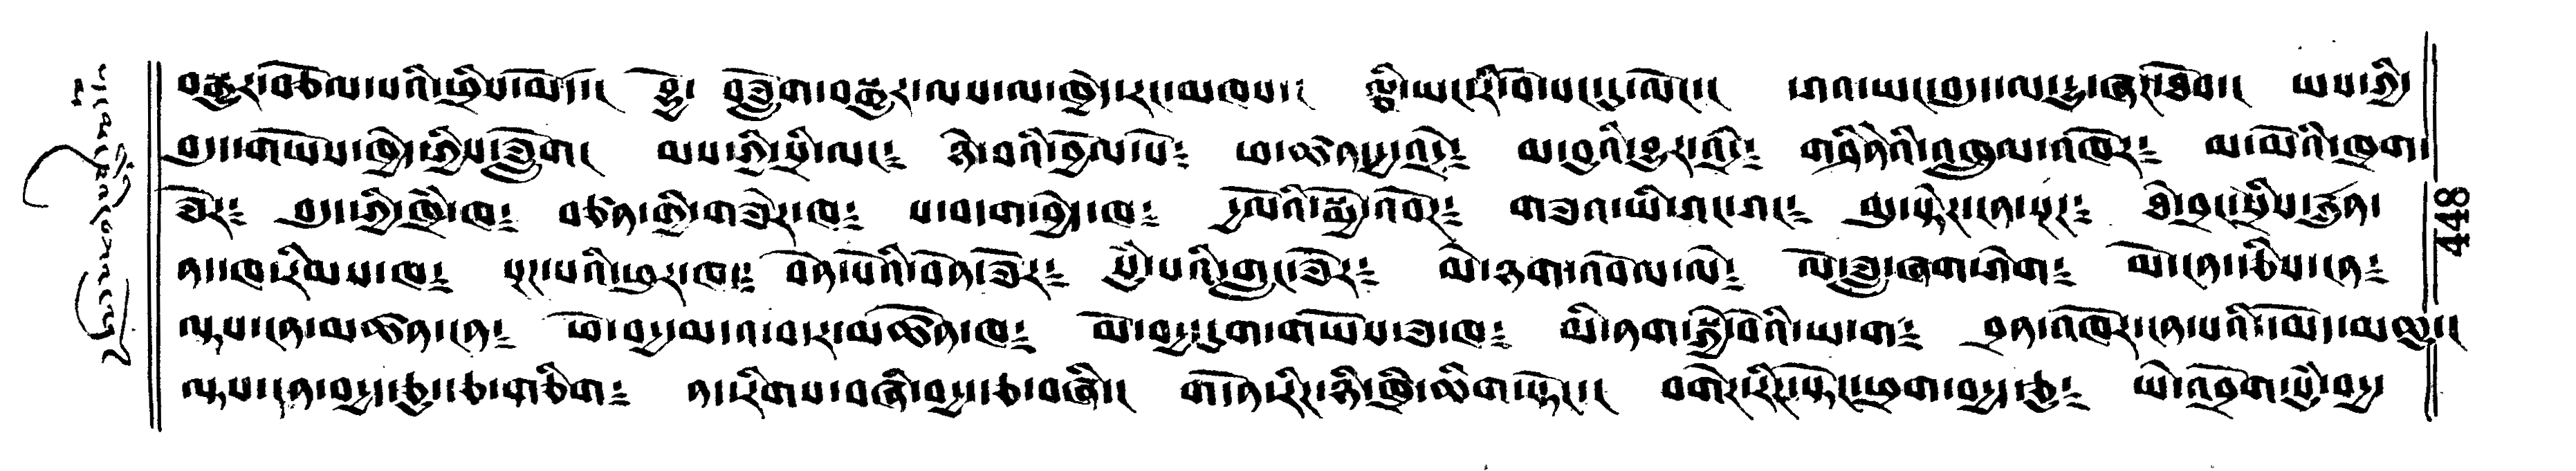བསྒྱུར་བཅོལ་པའི་ཕྲིན་ལས་མཛོད། བྷྱོ། བཟློག་བསྒྱུར་ལས་ལ་ཁྱེད་རང་མཁས། །ལྕི་ཡང་རི་བོ་པང་དུ་ལོངས། །དཀའ་ཡང་བདུད་ལ་རྒྱུ་ཞགས་ཐོབ། །ཡས་ཀྱི་
བདུད་གཡོས་ཁྱེད་ཀྱིས་ཟློག །མས་ཀྱི་སྲི་ལང༴ ཉེ་བའི་བྱོལ་ལྟོ༴ ཕ་ཚན་རྒྱབ་འདྲེ༴ མ་བུའི་བྱུར་འདྲེ༴ གཤིན་རྗེའི་འཁྲུལ་འཁོར༴མ་མོའི་ཁྲག་
ཟོར༴ བདུད་ཀྱི་ཁྲམ་ཁ༴ བཙན་གྱི་གཟེར་ཁ༴ ས་བདག་བྱད་ཁ༴ རྒྱལ་པོའི་སྨྱོ་འབོགས༴ གཟའ་ཡི་ཀིང་ཀང༴ མུ་སྟེགས་ངན་སྔགས༴ ཐེ་བྲང་སྲི་རྐུན༴ 
ནད་ཁ་རིམས་ཁ༴ སྔགས་པའི་ཕུར་ཁ༴ བོན་པོའི་བོན་ཟོར༴ སུམ་པའི་གླང་ཟོར༴ མེ་ཉག་འབོལ་ལེ༴ ལོ་ཟླ་ཞག་ཀེག༴ མོ་ངན་རྩིས་ངན༴
ལྟས་ངན་མཚན་ངན༴ ཕོ་བརྒྱ་མདའ་བདར་མཚོན་ཁ༴ མོ་བརྒྱ་དུག་གཡོས་ཟ་ཁ༴ མི་ནག་སྐྱེ་བོའི་ཡ་ག༴ བྲན་འཁོར་ངན་པའི་དམོད་མཆུ༴ 
ལྟས་ངན་བརྒྱད་ཅུ་རྩ་གཅིག༴ ནད་རིགས་བཞི་བརྒྱ་རྩ་བཞི༴ གདོན་རིགས་ཉི་ཁྲི་ཆིག་སྟོང༴ བགེགས་རིགས་སྟོང་ཕྲག་བརྒྱད་ཅུ༴ ཡེ་འབྲོག་སུམ་བརྒྱ་